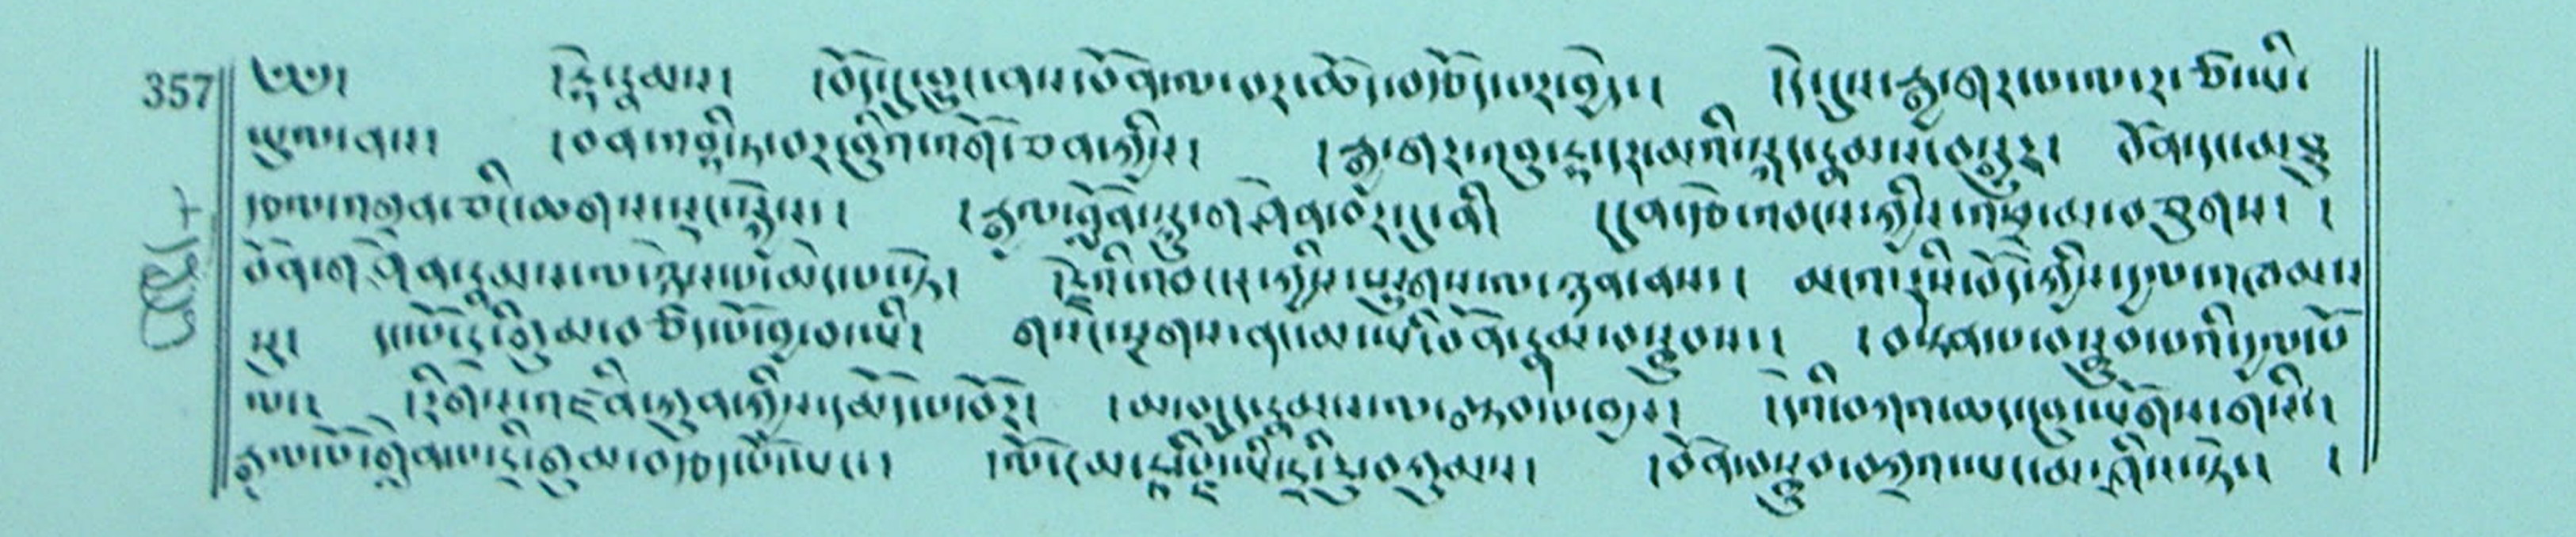༄༅། །དྷེ་རྣམས། བོད་དུ་བྱུང་ནས་བོན་ལ་བར་ཆོད་བརྩོད་པར་བྱེད། དེ་དུས་རྒྱ་གར་པ་ལ་ཨ་ཙ་རའི་
ཡུལ་ནས། བན་འབྷི་ཏ་བར་བུའི་མགོ་ཅན་གྱིས། རྒྱ་གར་བྷུ་དྷ་དར་མའི་སྐད་རྣམས་བསྒྱུར། བོན་དང་མཐུ་
རྩལ་འགྲན་ཞིང་ཆགས་སྡང་སྐྱེས། རྒྱལ་བློན་སྐུ་གཤེན་བར་དུ་ནི། དུན་ཙེ་འབངས་ཀྱིས་ཕྲ་མ་བཅུགས། 
བོན་གཤེན་རྣམས་ལ་ཉེས་པ་མེད་པ་སྟེ། རྗེའི་འབངས་ཀྱིས་སྤྱུགས་ལ་ཉན་ནས། མངའ་རིས་བོད་ཀྱི་རྒྱལ་འཁམས་
སུ། དང་པོ་གྲི་གུམ་བཙན་པོ་བྱ་བ་ཡིས། གསང་སྔགས་ནང་མའི་བོན་རྣམས་བསྣུབས། བསྟན་པ་བསྣུབ་པའི་རྒྱལ་བོ་
ལ། རིགས་འཛིན་ཀུན་ཀྱིས་དམོད་པ་བོར། མ་བདུད་རྣམས་ལ་བསྟབ་པ་བྱས། དེ་ཡི་བཀའ་ཆད་དབུ་ཡོག་གིས། 
རྒྱལ་བོ་གླེན་པ་གྲི་གུམ་བཙན་པོ་ཡང་། ལོ་ངམ་རྟ་རྫི་ཡི་དྲི་རུ་བཀུམས། བོན་བསྣུབས་བཀྲ་ཡང་མ་ཤིས་ཏེ།